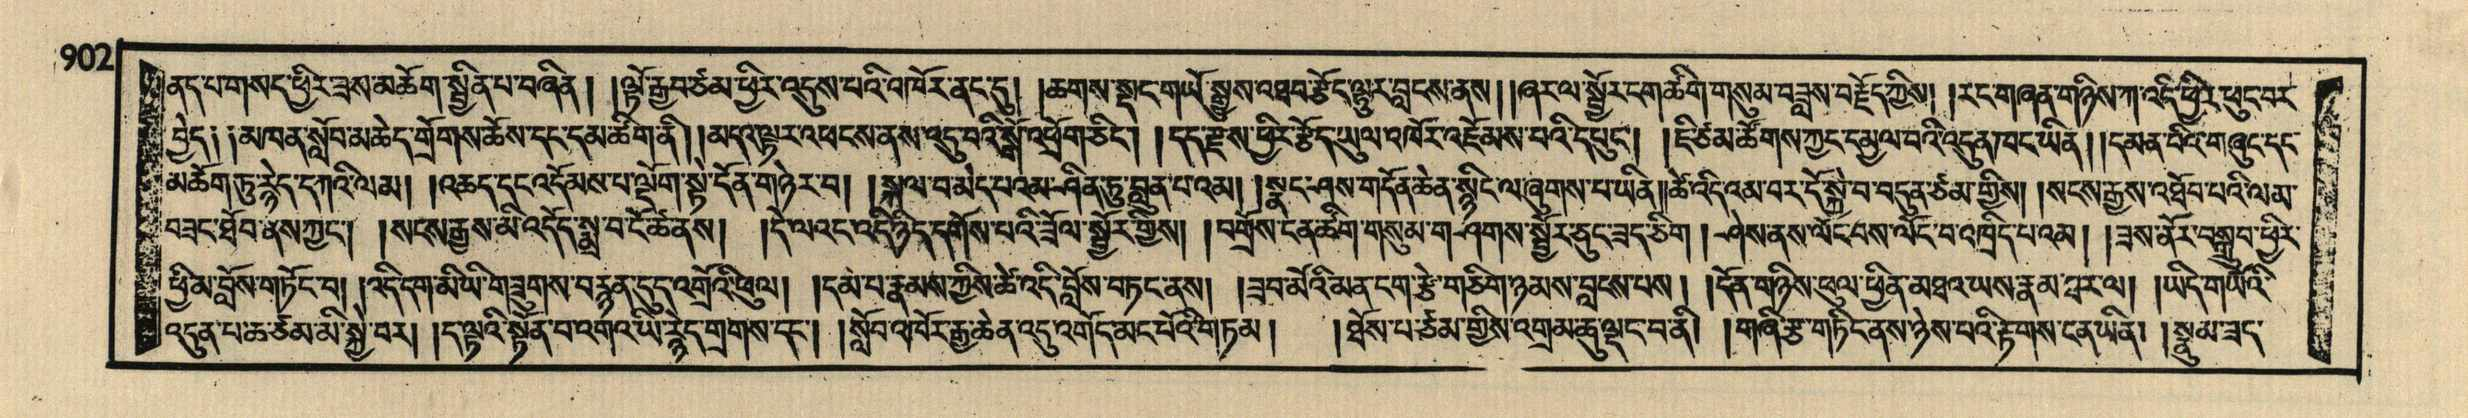ནད་པ་གསད་ཕྱིར་ཟས་མཆོག་སྦྱིན་པ་བཞིན། །ལྟོ་རྒྱབ་ཙམ་ཕྱིར་འདུས་པའོ་འཁོར་ནང་དུ། །ཆགས་སྡང་གཡོ་སྒྱུས་འཐབ་རྩོང་ལྷུར་བླངས་ནས། །ཞར་ལ་སྦྱོར་དག་ཚིག་གསུམ་བཟླས་བརྗོད་ཀྱིས། །རང་གཞན་གཉིས་ཀ་འདི་ཕྱིར་ཕུང་བར་
བྱེད༑ ༑མཁན་སློབ་མཆེད་གྲོགས་ཆོས་དང་དམ་ཚིག་ནི། །མདའ་ལྟར་འཕངས་ནས་འདུ་བའི་སྒོ་འཕྲོག་ཅིང་། །དད་རྫས་ཕྱིར་རྩོད་ཡུལ་འཁོར་འཇོམས་པའི་དཔུང་། །ཇི་ཙམ་ཚོགས་ཀྱང་དམྱལ་བའི་འདུན་ཁང་ཡིན། །དམན་པའི་གཞུང་དང་
མཆོག་ཏུ་རྙེད་དཀའི་ལམ། །འཆད་དང་འདོམས་པ་ལྡོག་སྟེ་དོན་གཉེར་བ། །སྐལ་བ་མེད་པའམ་ཤིན་ཏུ་བླུན་པ་འམ། །སྣང་ཤས་གདོན་ཆེན་སྙིང་ལ་ཞུགས་པ་ཡིན། །ཚེ་འདི་འམ་བར་དོ་སྐྱེ་བ་བདུན་ཙམ་གྱིས། །སངས་རྒྱས་འཐོབ་པའི་ལམ་
བཟང་ཐོབ་ནས་ཀྱང་། །སངས་རྒྱས་མི་འདོད་སྨྲ་བ་ངོ་ཚ་ནས། །དེ་ལའང་འདི་ཉིད་དགོས་པའི་ཟོལ་སྦྱོར་གྱིས། །བགྲོས་ངན་ཚིག་གསུམ་གཤགས་སྦྱོར་ཅུང་ཟད་ཅིག །ཤེས་ནས་ལོང་བས་ལོང་བ་འཁྲིད་པའམ། །ཟས་ནོར་བསྒྲུབ་ཕྱིར་
ཕྱི་མ་བློས་གཏོང་བ། །འདི་དག་མི་ཡི་གཟུགས་བརྙན་དུད་འགྲོའི་ཕུལ། །དམ་པ་རྣམས་ཀྱིས་ཚེ་འདི་བློས་བཏང་ནས། །ཟབ་མོའི་མན་ངག་རྩེ་གཅིག་ཉམས་བླངས་པས། །དོན་གཉིས་ཕུལ་ཕྱིན་མཐའ་ཡས་རྣམ་ཐར་ལ། །ཡིད་གཡོའི་
འདུན་པ་ཆ་ཙམ་མི་སྐྱེ་བར། །ད་ལྟའི་སྟོན་བ་འགའ་ཡི་རྙེད་གྲགས་དང་། །སློབ་འཁོར་རྒྱ་ཆེན་འདུ་འགོད་མང་པོའི་གཏམ། །ཐོས་པ་ཙམ་གྱིས་འགྲམ་ཆུ་ལྡང་བ་ནི། །གཞི་རྩ་གཏིང་ནས་ཉེས་པའི་རྟགས་ངན་ཡིན། །སྣུམ་ཟད་